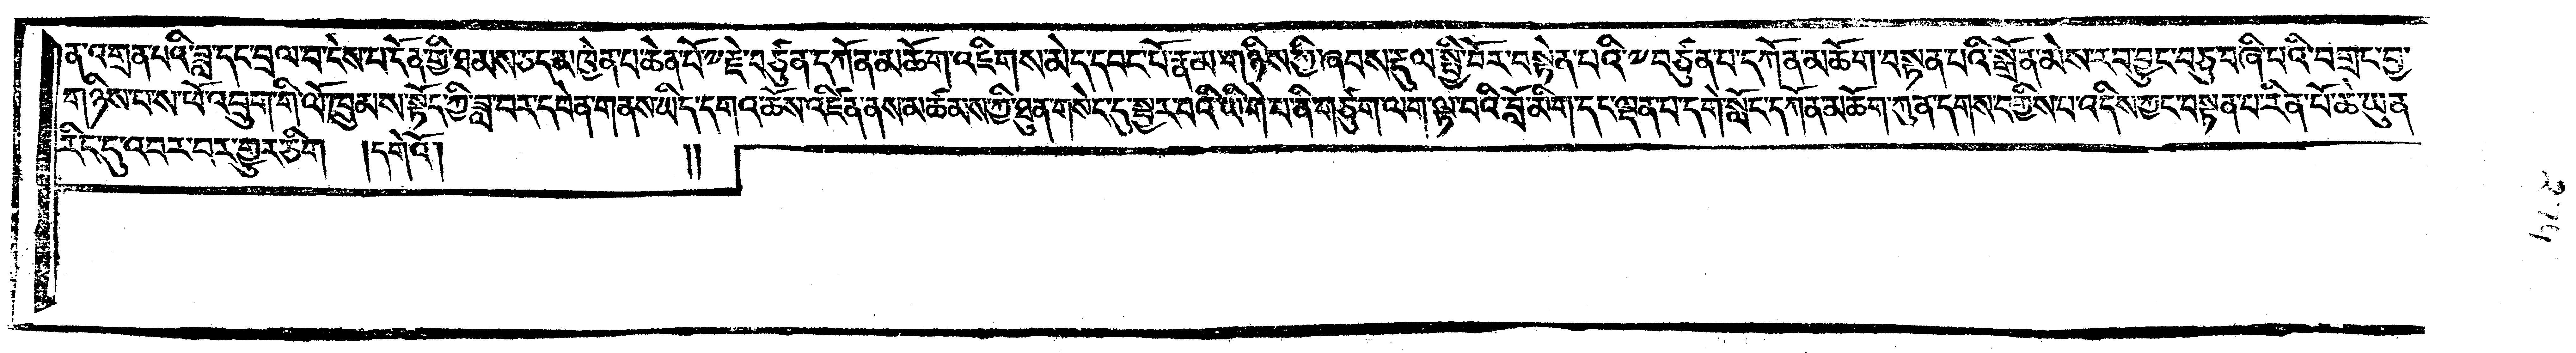ན་འགྲན་པའི་ཟླ་དང་བྲལ་བ་ངེས་པ་དོན་གྱི་ཐམས་ཅད་མཁྱེན་པ་ཆེན་པོ་རྗེ་བཙུན་དཀོན་མཆོག་འཇིགས་མེད་དབང་པ་རྣམ་གཉིས་ཀྱི་ཞབས་རྡུལ་སྤྱི་བོར་བསྟེན་པའི་བཙུན་པ་དཀོན་མཆོག་བསྟན་པའི་སྒྲོན་མེས་རབ་བྱུང་བཅུ་བཞི་བའི་བགྲང་བྱ་
གཉིས་པ་ས་ལོ་འབྲུག་གི་ལོ་ཁྲུམས་སྟོད་ཀྱི་ཟླ་བར་དབེན་གནས་ཡིད་དགའ་ཆོས་འཛིན་ནས་མཚམས་ཀྱི་ཐུན་གསེང་དུ་སྦྱར་བའི་ཡི་གེ་པ་ནི་གཙུག་ལག་ལྟ་བའི་བློ་མིག་དང་ལྡན་པ་དགེ་སློང་དཀོན་མཆོག་ཀུན་དགས་བགྱིས་པ་འདིས་ཀྱང་བསྟན་པ་རིན་པོ་ཆེ་ཡུན་
རིང་དུ་འབར་བར་གྱུར་ཅིག །དགེའོ། །།